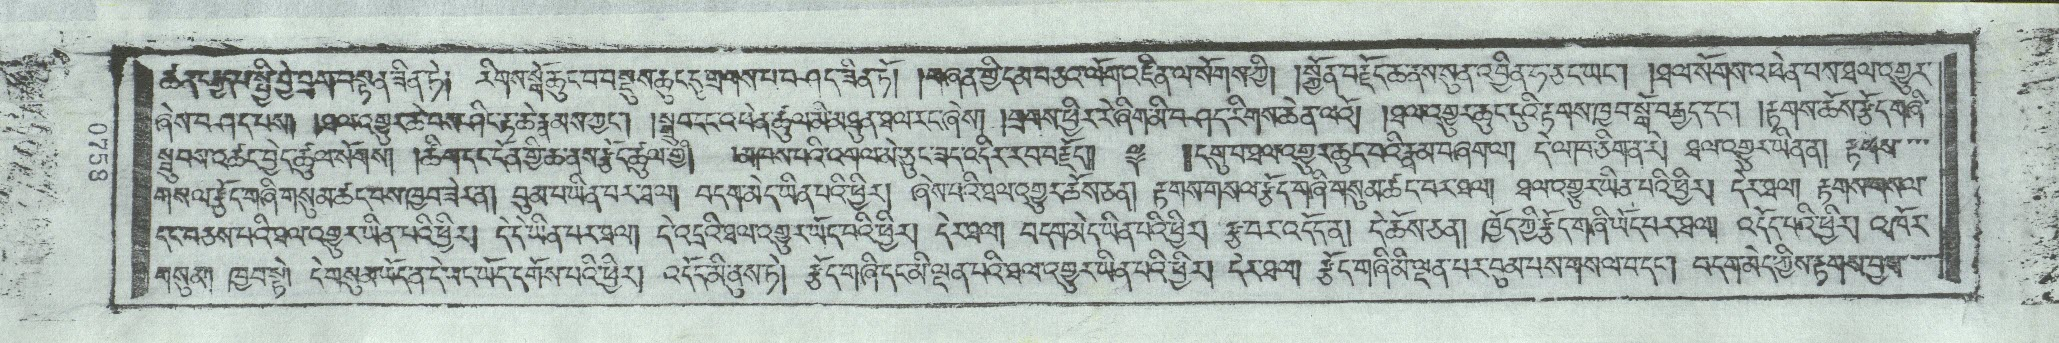ཚན་བརྒྱད་པ་སྤྱི་བྱེ་བྲག་བསྟན་ཟིན་ཏེ། རིགས་སྒོ་ཆུང་བ་བསྡུས་ཆུང་དུ་གྲགས་པ་བཤད་ཟིན་ཏོ། །གཞན་གྱི་དམ་བཅའ་ལོག་འཛིན་ལ་སོགས་ཀྱི། །སྐྱོན་བརྗོད་ཆ་ནས་སུན་འབྱིན་ཧ་ཅང་ཡང་། །ཐལ་སོགས་འཕེན་པས་ཐལ་འགྱུར་
ཞེས་བཤད་པས། །ཐལ་འགྱུར་ཆེ་བས་ཤིང་རྟ་ཆེ་རྣམས་ཀྱང་། །སྒྲུབ་དང་འཕེན་ཚུལ་མི་མཐུན་ཐལ་རང་ཞེས། །གྲགས་ཕྱིར་རེ་ཞིག་མི་བཤད་རིགས་ཆེན་ལའོ། །ཐལ་འགྱུར་ཆུང་ངུའི་རྟགས་ཁྱབ་སྒོ་བརྒྱད་དང་། །རྟགས་ཆོས་རྩོད་གཞི་
སྤུབས་འཚང་བྱེད་ཚུལ་སོགས། །ཚིག་དང་དོན་གྱི་ཆ་ནས་རྩོད་ཚུལ་གྱི། །མཁས་པའི་འགལ་མེ་ཅུང་ཟད་འདིར་རབ་བརྗོད།། ༈ །།དགུ་པ་ཐལ་འགྱུར་ཆུད་པའི་རྣམ་བཞག་ལ། དེ་ལ་ཁ་ཅིག་ན་རེ། ཐལ་འགྱུར་ཡིན་ན། རྟགས་
གསལ་རྩོད་གཞི་གསུམ་ཚང་བས་ཁྱབ་ཟེར་ན། བུམ་པ་ཡིན་པར་ཐལ། བདག་མེད་ཡིན་པའི་ཕྱིར། ཞེས་པའི་ཐལ་འགྱུར་ཆོས་ཅན། རྟགས་གསལ་རྩོད་གཞི་གསུམ་ཚད་བར་ཐལ། ཐལ་འགྱུར་ཡིན་པའི་ཕྱིར། དེར་ཐལ། རྟགས་གསལ་
དང་བཅས་པའི་ཐལ་འགྱུར་ཡིན་པའི་ཕྱིར། དེ་དེ་ཡིན་པར་ཐལ། དེ་འདྲའི་ཐལ་འགྱུར་ཡོད་པའི་ཕྱིར། དེར་ཐལ། བདག་མེད་ཡིན་པའི་ཕྱིར། རྩ་བར་འདོད་ན། དེ་ཆོས་ཅན། ཁྱོད་ཀྱི་རྩོད་གཞི་ཡོད་པར་ཐལ། འདོད་པའི་ཕྱིར། འཁོར་
གསུམ། ཁྱབ་སྟེ། དེ་གསུམ་ཡོད་ན་དེ་ཡང་ཡོད་དགོས་པའི་ཕྱིར། འདོད་མི་ནུས་ཏེ། རྩོད་གཞི་དང་མི་ལྡན་པའི་ཐལ་འགྱུར་ཡིན་པའི་ཕྱིར། དེར་ཐལ། རྩོད་གཞི་མི་ལྡན་པར་བུམ་པས་གསལ་བ་དང་། བདག་མེད་ཀྱིས་རྟགས་བྱས་